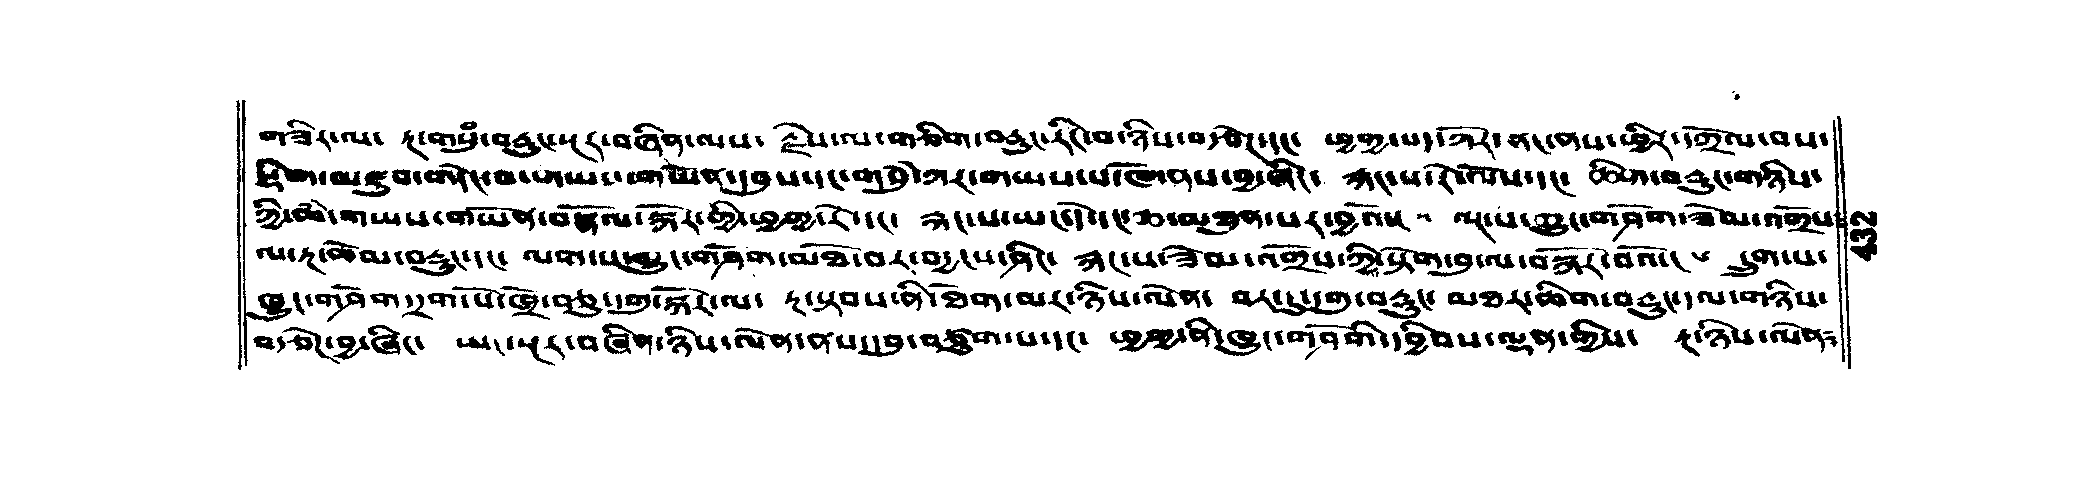གཟིར་ལ། རྔ་གསུམ་བརྡུང་སྔར་བཞིན་ལས། རྗེས་ལ་གཅིག་བརྡུང་རིང་བ་ཉིས་བརྩེགས་དང་། ཕྱག་རྒྱ་དཀོར་ནང་ནས་དཀྲོལ་བས་
སྡིག་མཛུབ་གདེང་བ་གཡས་གཡོན་དབུས་དང་གསུམ་ཀར་གཡས་པ་ཁོ་ནས་བྱ་ཞིང་། རྐང་པ་རེ་མོས་དང་། ཚིག་བརྡུང་གཉིས་
ཀྱི་ཆམ་གཡས་གཡོན་བསྣོལ་སྐོར་གྱི་ཕྱག་རེ་དང་། རྐང་པ་ཡང་དེ་དང་ཆ་མཐུན་པར་བྱའོ། ༥ ལྔ་པ་ཁྱུང་གཤོག་ཟོམ་འགྲོས་
ལ་རྔ་ཆོམ་བརྡུང་དང་། ལག་པ་ཁྱུང་གཤོག་མཐོ་བར་བརྒྱངས་ཤིང་།རྐང་པ་ཟེམ་འགྲོས་ཀྱིས་སྟེགས་བུ་ལ་བསྐོར་བའོ། ༦ དྲུག་པ་
ཁྱུང་གཤོག་དྲག་པོ་ཁྲོ་བཅུ་དགུ་སྐོར་ལ། རྔ་སྟབས་ནི་ཐོག་མར་ཉིས་ལེན། བར་དུ་དགུ་བརྡུང་། མཐར་ཚིག་བརྡུང་དལ་གཉིས་
བརྩེགས་བྱ་ཞིང་། ཡང་སྔར་བཞིན་ཉིས་ལེན་ནས་དབུ་ལབཙུག་པ་དང་། ཕྱག་རྒྱ་ནི་ཁྱུང་གཤོག་གི་དབྱིབས་ལྡན་གྱིས། རྔ་ཉིས་ལེན་